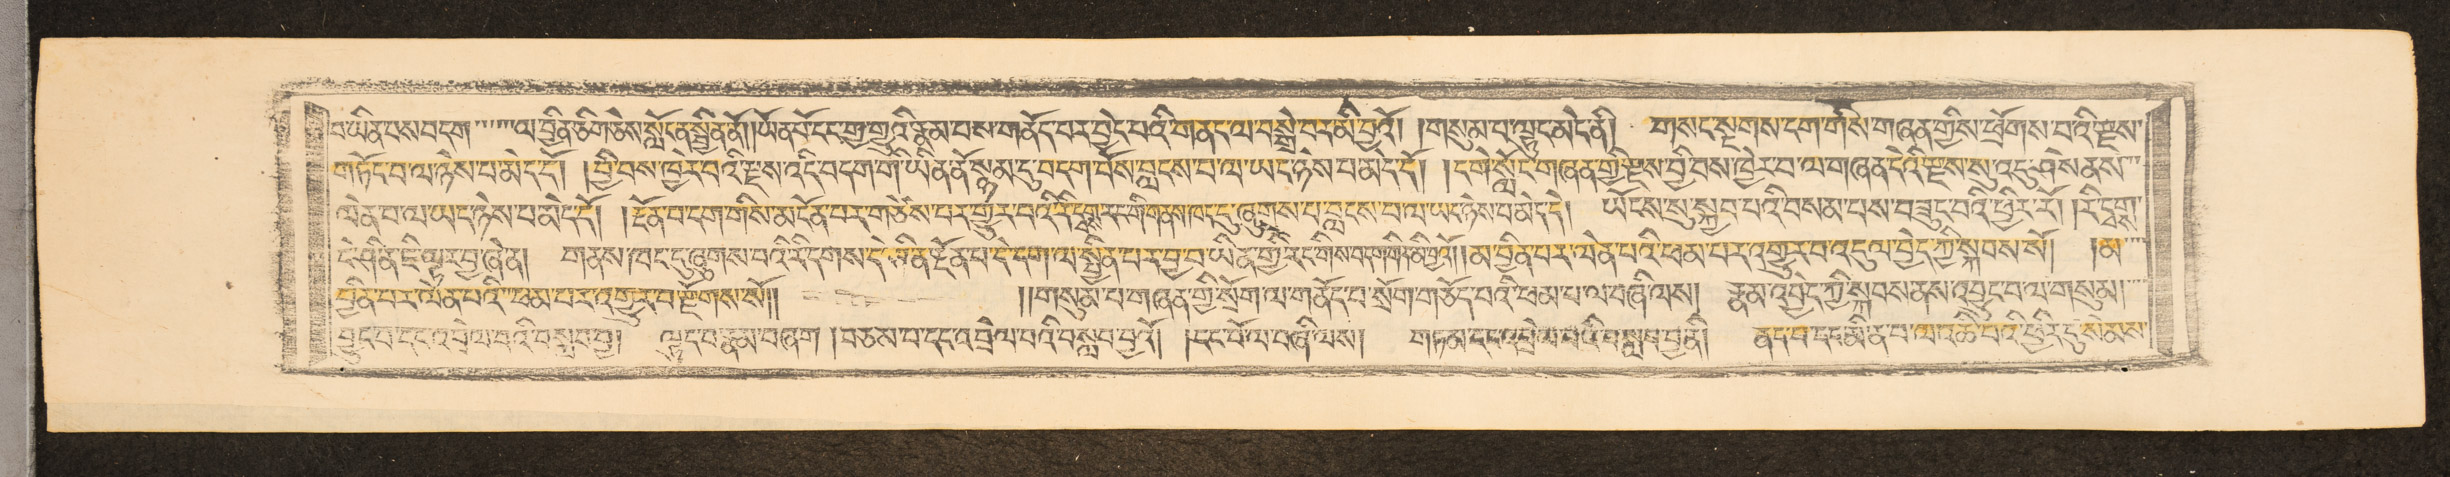བ་ཡིན་པས་བདག་ལ་བྱིན་ཅིག་ཅེས་སློང་ན་སྦྱིན་ནོ། །ཡོན་པོ་དང་གྱ་གྱུའི་རྣམ་པས་གནོད་པར་བྱེད་པའི་གནད་ལ་བསྒྲེ་བར་མི་བྱའོ། །གསུམ་པ་ལྟུང་མེད་ནི། གསང་སྔགས་དག་གིས་གཞན་གྱིས་ཕྲོགས་པའི་རྫས་
གཏོང་བ་ལ་ཉེས་པ་མེད་དོ། །བྱི་བས་ཁྱེར་བའི་རྫས་འདི་བདག་གི་ཡིན་ནོ་སྙམ་དུ་བདག་པོས་བླངས་པ་ལ་ཡང་ཉེས་པ་མེད་དོ། །དགེ་སློང་གཞན་གྱི་རྫས་བྱི་བས་ཁྱེར་བ་ལ་གཞན་དེའི་རྫས་སུ་འདུ་ཤེས་ནས་
ལེན་པ་ལ་ཡང་ཉེས་པ་མེད་དོ། །རྔོན་པ་དག་གིས་མངོན་པར་གཙེས་པར་གྱུར་པའི་རི་དྭགས་རང་གི་གནས་ཁང་དུ་ཞུགས་པ་བླངས་པ་ལ་ཡང་ཉེས་པ་མེད་དེ། ཡོངས་སུ་སྐྱབ་པའི་བསམ་པས་བཟུང་བའི་ཕྱིར་རོ། །རི་དྭགས་
དེ་ཤི་ན་ཇི་ལྟར་བྱ་ཞེ་ན། གནས་ཁང་དུ་ཞུགས་པའི་རི་དགས་དེ་ཤི་ན་རྔོན་པ་དེ་དག་ལ་སྦྱིན་པར་བྱ་བ་ཡིན་གྱི་རང་གིས་བདག་གིར་མི་བྱའོ། །མ་བྱིན་པར་ལེན་པའི་ཕམ་པར་འགྱུར་བ་འདུལ་བྱེད་ཀྱི་སྐབས་སོ། །མ་
བྱིན་པར་ལེན་པའི་ཕམ་པར་འགྱུར་བ་རྫོགས་སོ།། །།གསུམ་པ་གཞན་གྱི་སྲོག་ལ་གནོད་པ་སྲོག་གཅོད་པའི་ཕམ་པ་ལ་བཞི་ལས། རྣམ་འབྱེད་ཀྱི་སྐབས་ནས་འབྱུང་བ་ལ་གསུམ།
བྱུང་བ་དང་འབྲེལ་བའི་བསླབ་བྱ། ལྟུང་བ་རྣམ་བཞག །བཅས་པ་དང་འབྲེལ་བའི་བསླབ་བྱའོ། །དང་པོ་ལ་བཞི་ལས། གཏམ་དང་འབྲེལ་བའི་བསླབ་བྱ་ནི། ནད་པ་དང་མི་ན་བ་ལ་འཆི་བའི་ཕྱིར་དུ་སེམས་